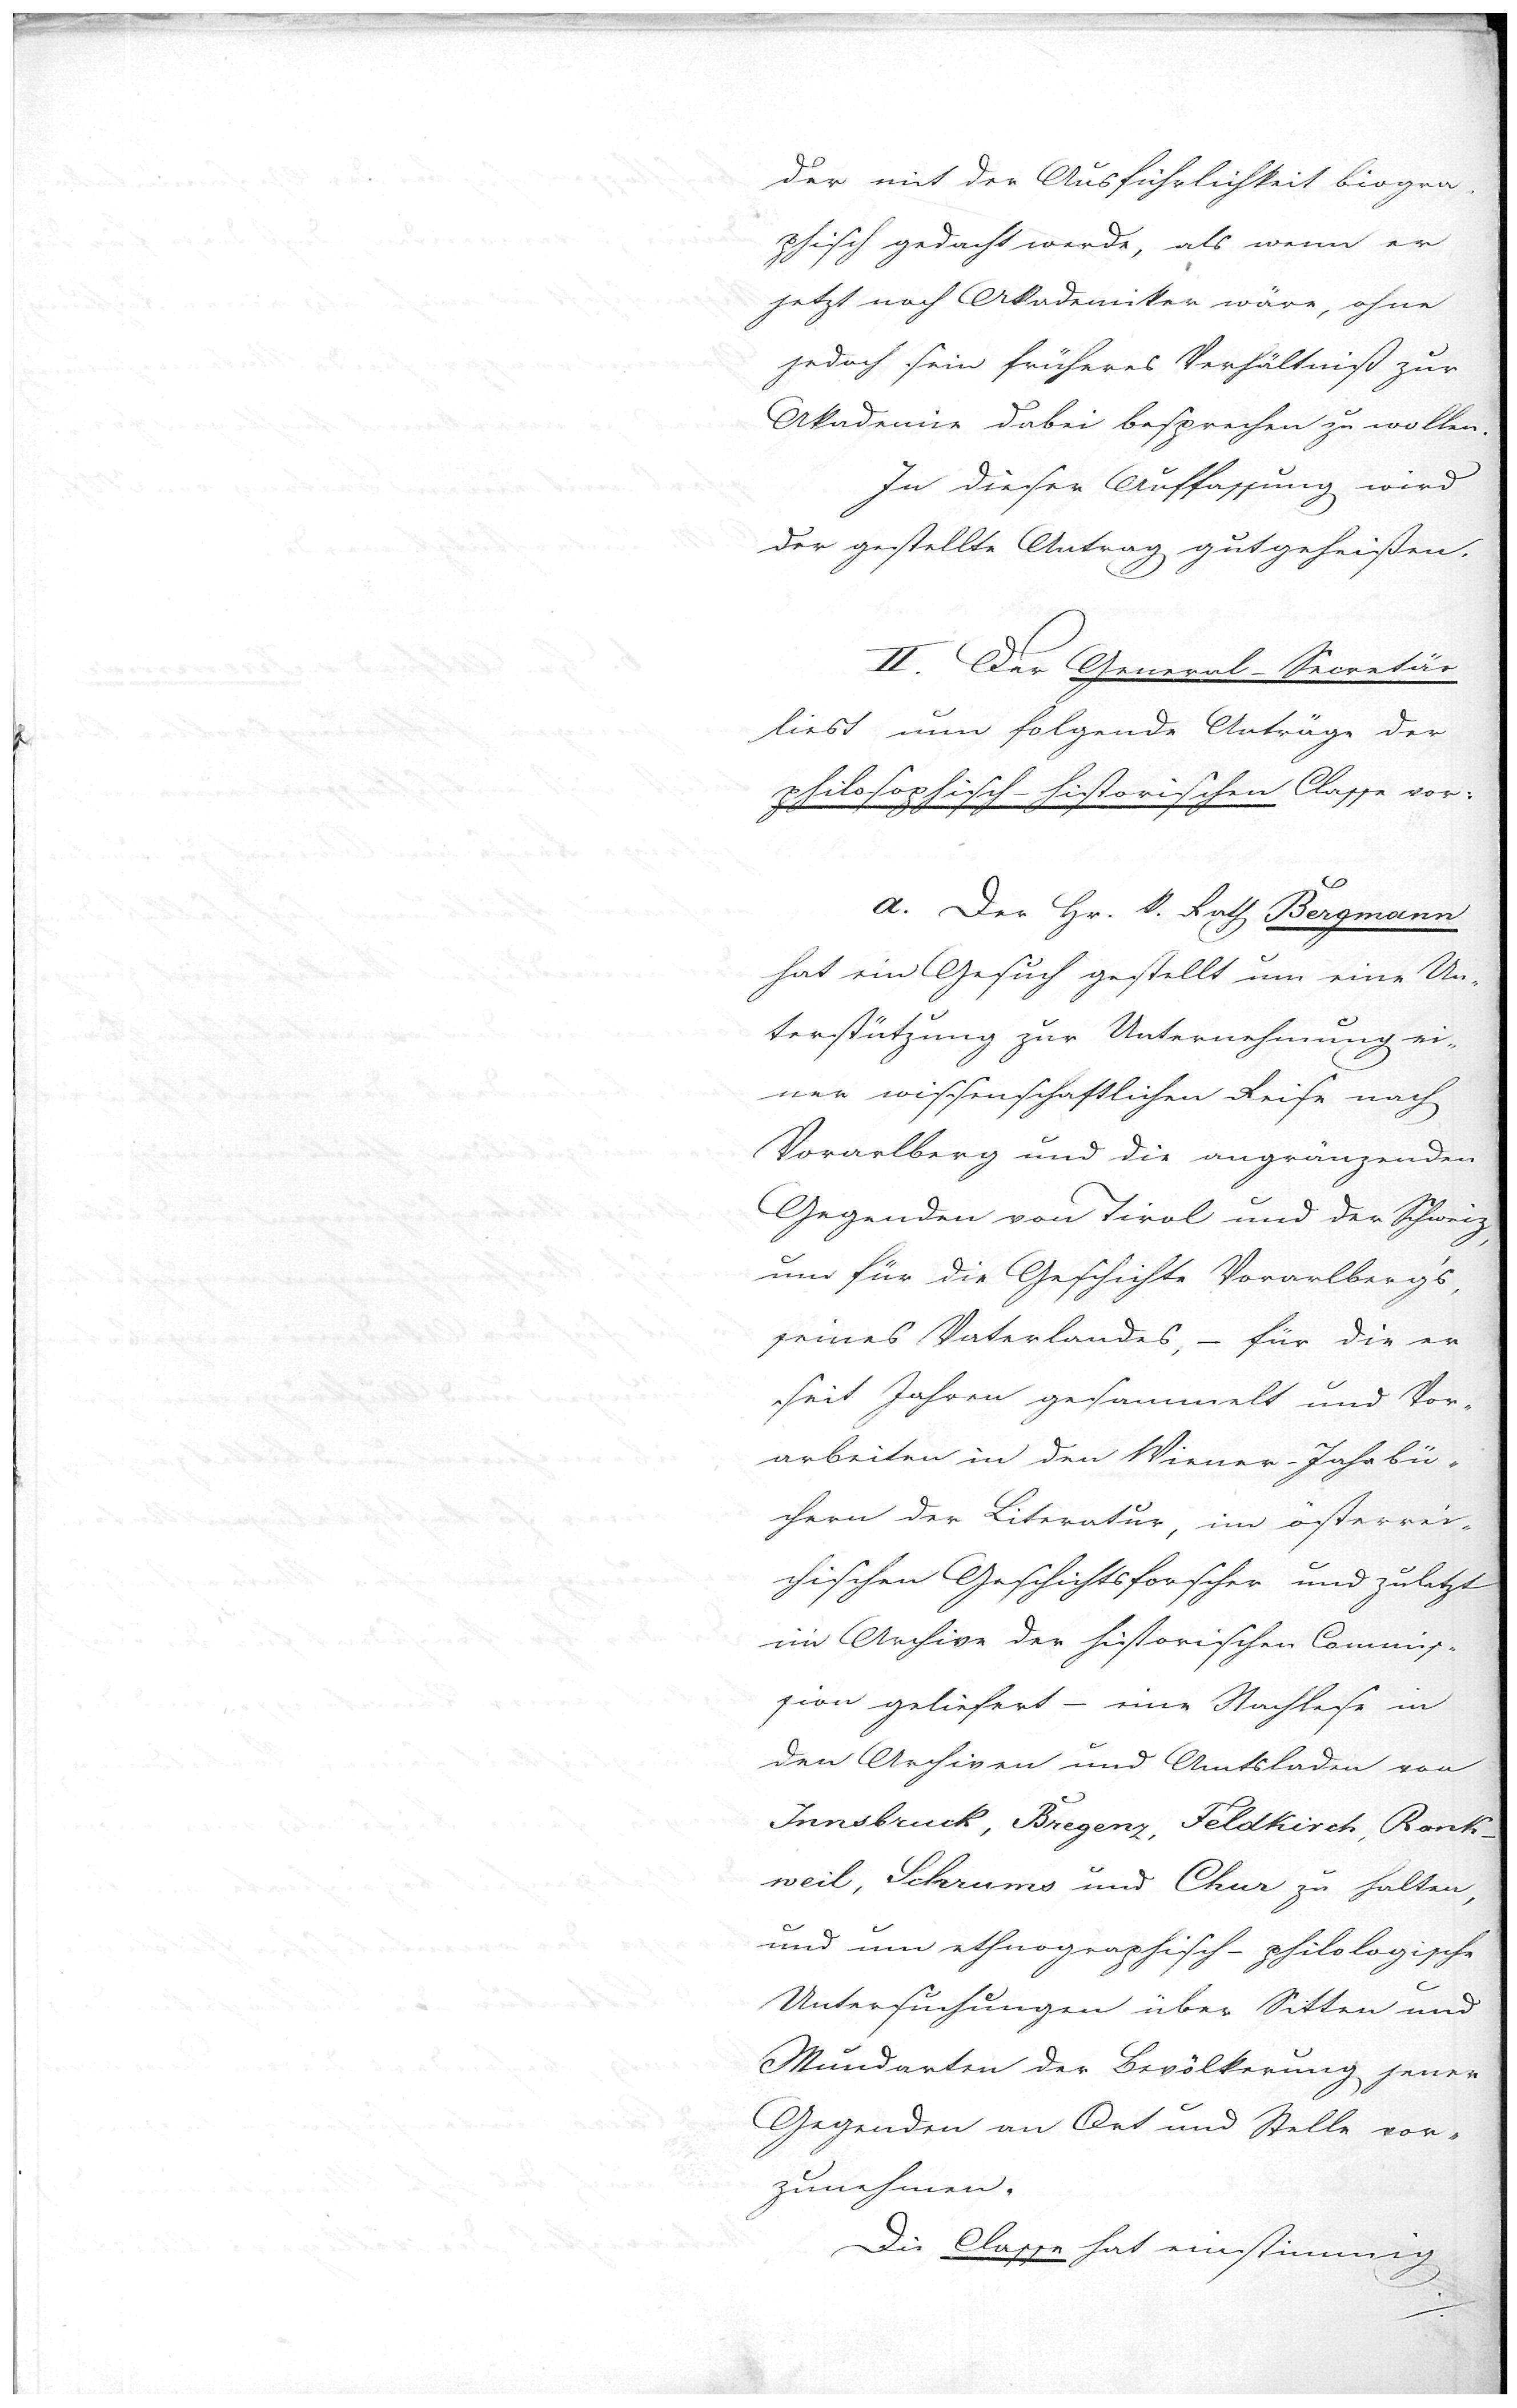der mit der Ausführlichkeit biogra-
phisch gedacht werde, als wenn er
jetzt noch Akademiker wäre, ohne
jedoch sein früheren Verhältniß zur
Akademie dabei besprechen zu wollen.
In dieser Auffassung wird
der gestellte Antrag gutgeheißen.
II. Der General-Secretär
liest nun folgende Anträge der
philosophisch-historischen Classe vor:
a. Der Hr. k. Rath Bergmann
hat ein Gesuch gestellt um eine Un-
terstützung zur Unternehmung ei-
ner wissenschaftlichen Reise nach
Vorarlberg und die angränzenden
Gegenden von Tirol und der Schweiz,
um für die Geschichte Verarlberg's,
seines Vaterlandes, für die er
seit Jahren gesammelt und Vor-
arbeiten in den Wiener Jahrbü-
chern der Literatur, im österrei-
chischen Geschichtsforscher und zuletzt
im Archive der historischen Commis-
tion geliefert - eine Nachlese in
den Archiven und Amtsladen von
Innsbruck, Bregenz, Feldkich, Rank-
weil, Schrums und Chur zu halten,
und um ethnographisch-philologische
Untersuchungen über Sitten und
Mundarten der Bevölkerung jener
Gegenden an Ort und Stelle vor-
zunehmen.
Die Classe hat einstimmig